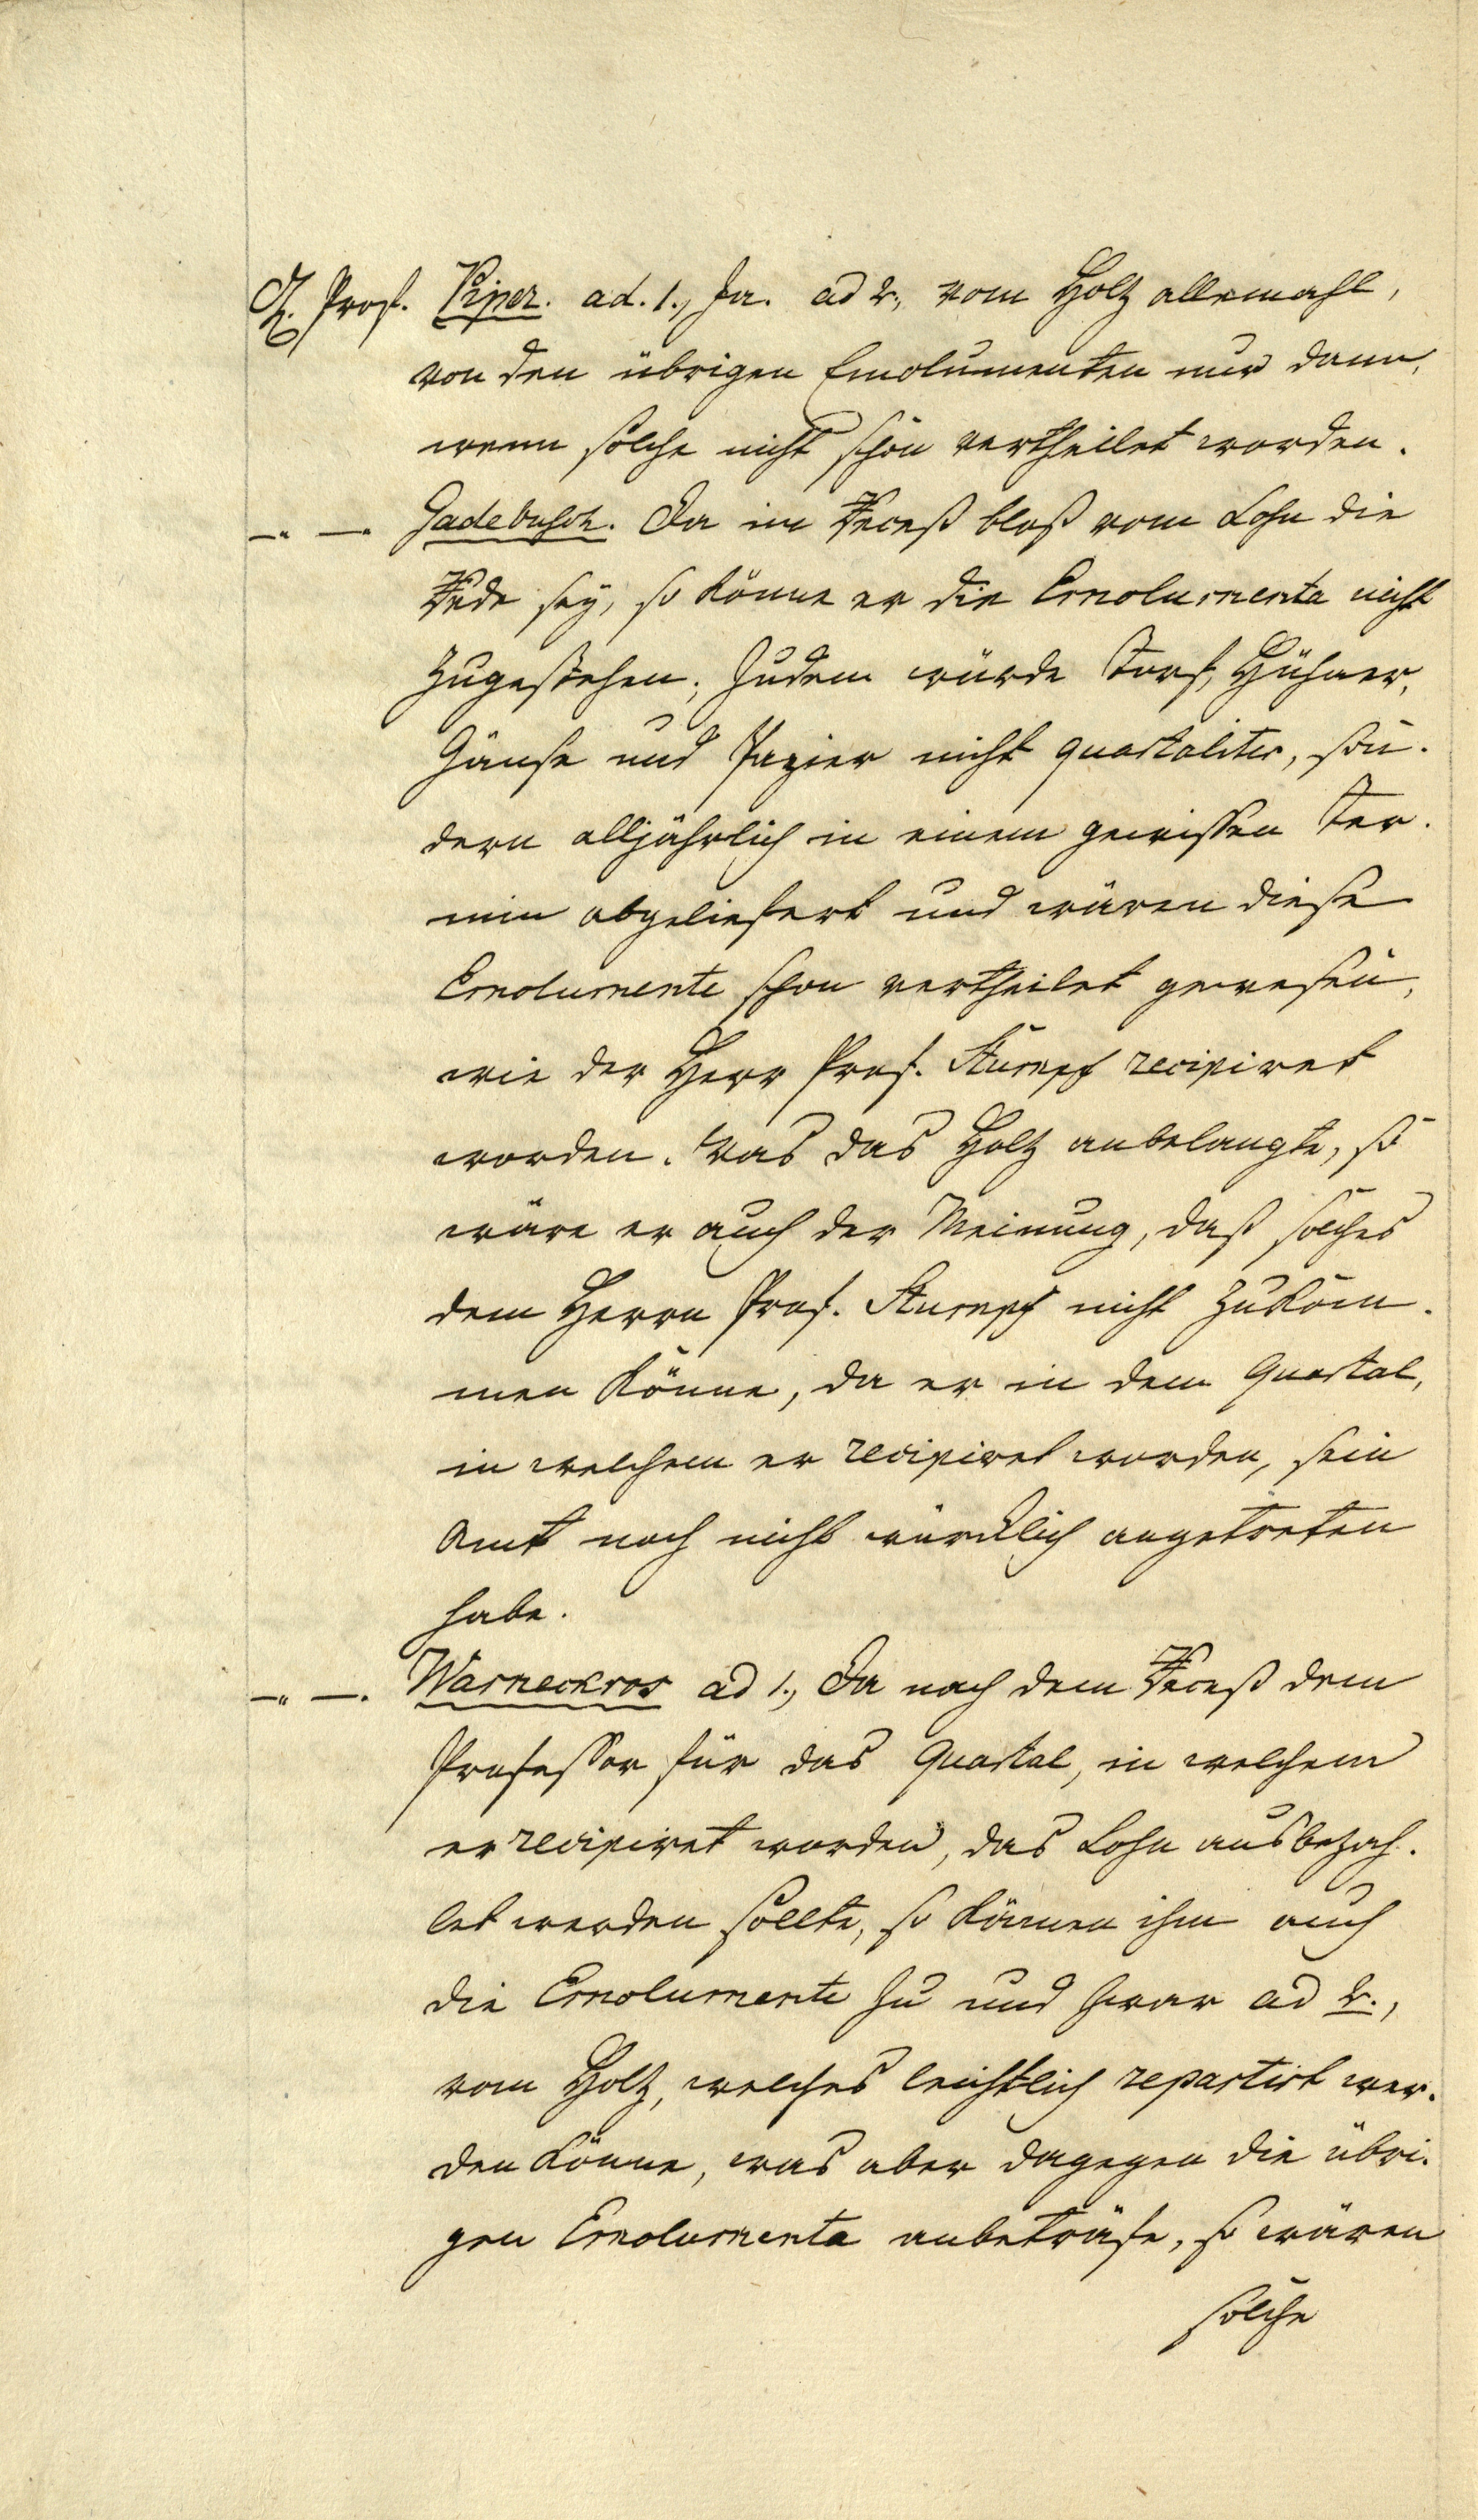dh. Prof. Piper. ad 1., Ja. ad 2. vom Holz allemahl,
von den übrigen Emolumenten nur dann,
wenn solche nicht schon vertheilet worden.
Gadebusch. Da im Receß bloß vom Lohn die
Rede seÿ, so könne er die Emolumente nicht
zugestehen; zudem würde Torf, Hühner,
Gänse und Papier nicht quartaliter, son¬
dern alljährlich im einem gewissen Ter¬
min abgeliefert und wären diese
Emolumente schon vertheilet gewesen,
wie der Herr Prof. Stumpf recipiret
worden. Was das Holz anbelangte, so
wäre er auch der Meinung, daß solches
dem Herrn Prof. Stumpf nicht zukom¬
men könne, da er in dem Quartal,
in welchem er recipirt worden, sein
Amt noch nicht würcklich angetreten
habe.
Warneckros ad 1., Da nach dem Receß dem
Professor für das Quartal, in welchem
er recipiret worden, das Lohn ausbezah¬
let werden sollte, so kämen ihm auch
die Emolumente zu und zwar ad 2.,
vom Holz, welches leichtlich repartirt wer¬
den könne, was aber dagegen die übri¬
gen Emolumente anbeträfe, so wären
solche